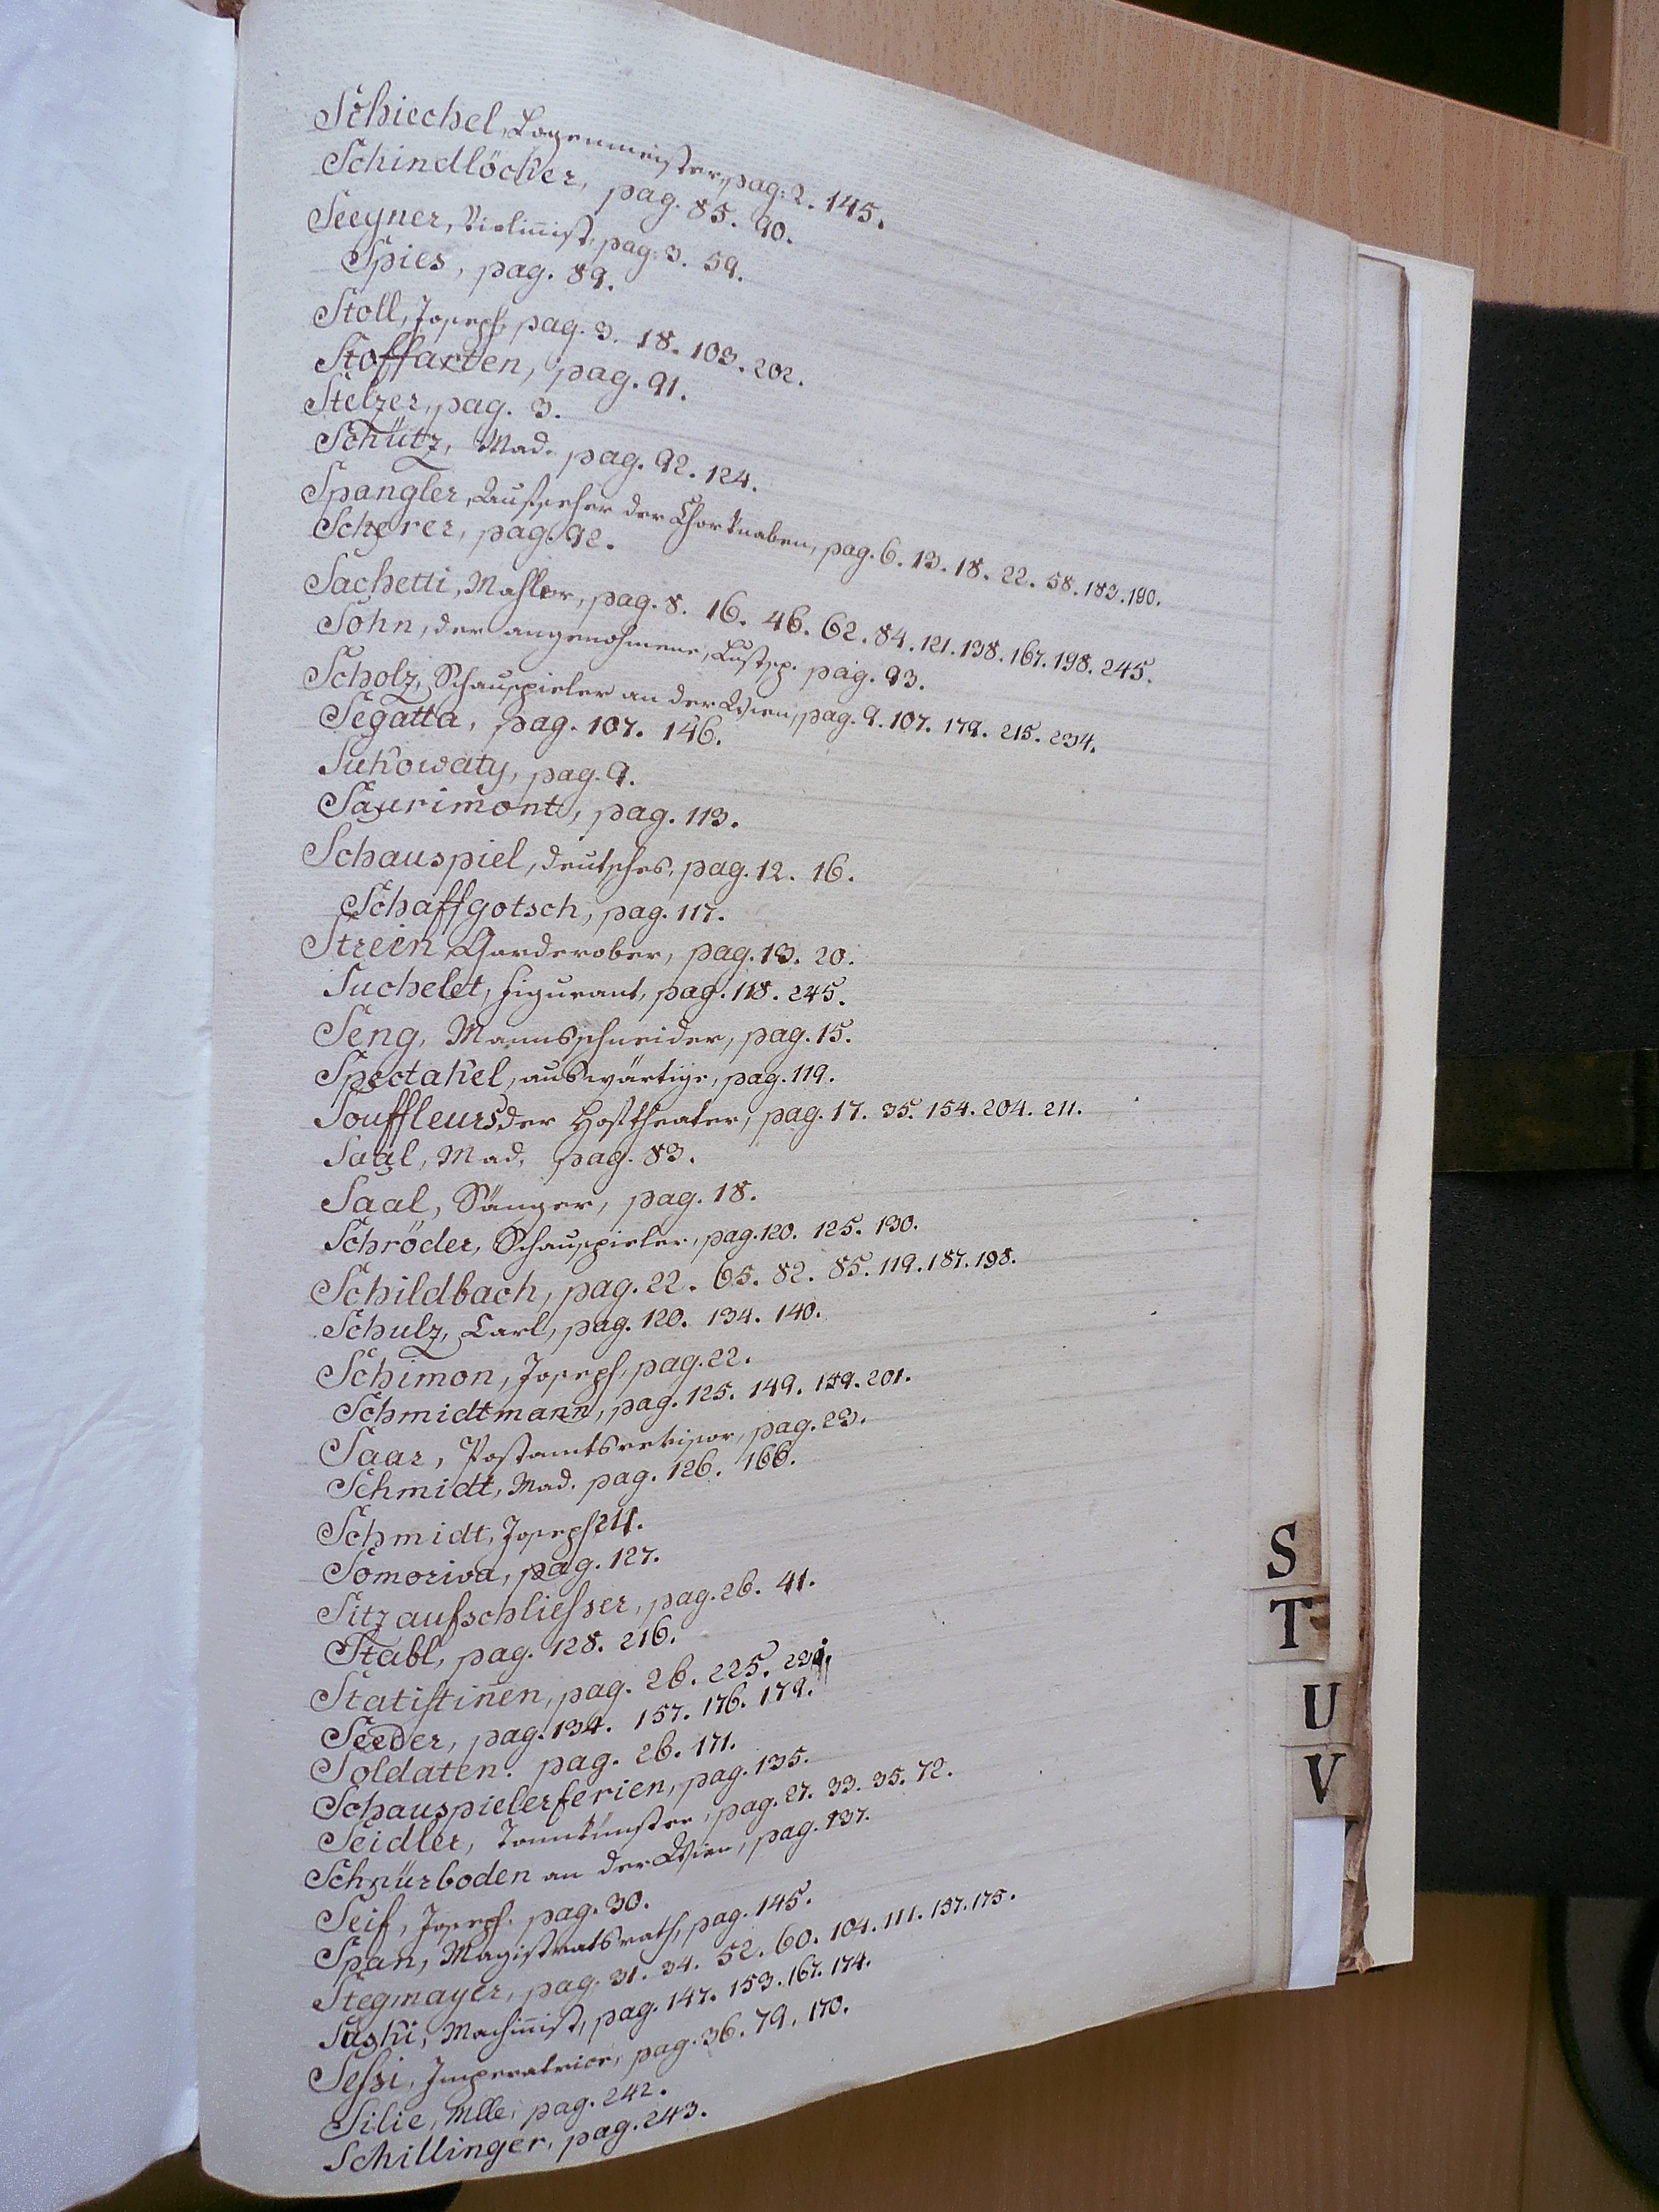S
Schiechel, Logenmeister, pag: 2. 145.
Schindlöcker, pag. 85. 90.
Seegner, Violin̅ist, pag. 3. 59.
Spies, pag. 89.
Stoll, Joseph, pag. 3. 18. 103. 202.
Stoffarten, pag. 91.
Stelzer, pag. 3.
Schütz, Mad. pag. 92. 124.
Spangler, Aufseher der Chorknaben, pag. 6. 13. 18. 22. 58. 183. 190.
Scherer, pag. 92.
Sachetti, Mahler, pag. 8. 16. 46. 62. 84. 121. 138. 167. 198. 245.
Sohn, der angenohmene, Lustsp. pag. 93.
Scholz, Schauspieler an der Wien, pag. 9. 107. 179. 215. 234.
Segatta, pag. 107. 146.
Sukowaty, pag. 9.
Saurimont, pag. 113.
Schauspiel, deutsches, pag. 12. 16.
Schaffgotsch, pag. 117.
Streen, Garderober, pag. 13. 20.
Suchelet, Figurant, pag. 118. 245.
Seng, Mannsschneider, pag. 15.
Spectakel, auswärtige, pag. 119.
Souffleurs der Hoftheater, pag. 17. 35. 154. 204. 211.
Saal, Mad, pag. 83.
Saal, Sänger, pag. 18.
Schröder, Schauspieler, pag. 120. 125. 130.
Schildbach, pag. 22.65. 82. 119. 187. 198.
Schulz, Carl, pag. 120. 134. 140.
Schimon, Joseph, pag. 22.
Schmidtmann, pag. 125. 149. 159. 201.
Saar, Postamtsrevisor, pag. 23.
Schmidt, Mad. pag. 126. 166.
Schmidt, Joseph, 24.
Somoriva, pag. 127
Sitzaufschliesser, pag. 26. 41.
Stabl, pag. 128. 216.
Statistin̅en, pag. 26. 225. 231.
Seeder, pag. 134. 157. 176. 179.
Soldaten. pag. 26. 171.
Schauspielerferien, pag. 135.
Seidler, Tonnkünster, pag. 27. 33. 35. 72.
Schnürboden an der Wien, pag. 137,
Seif, Joseph, pag. 30.
Span, Magistratsrath, pag. 145.
Stegmayer, pag. 31. 34. 52. 60. 104. 111. 157. 175.
Suski, Maschinist, pag. 147. 153. 167. 174.
Sessi, Imperatrice, pag. 36. 79. 170.
Silie, Mlle, pag. 242.
Schillinger, pag. 243.